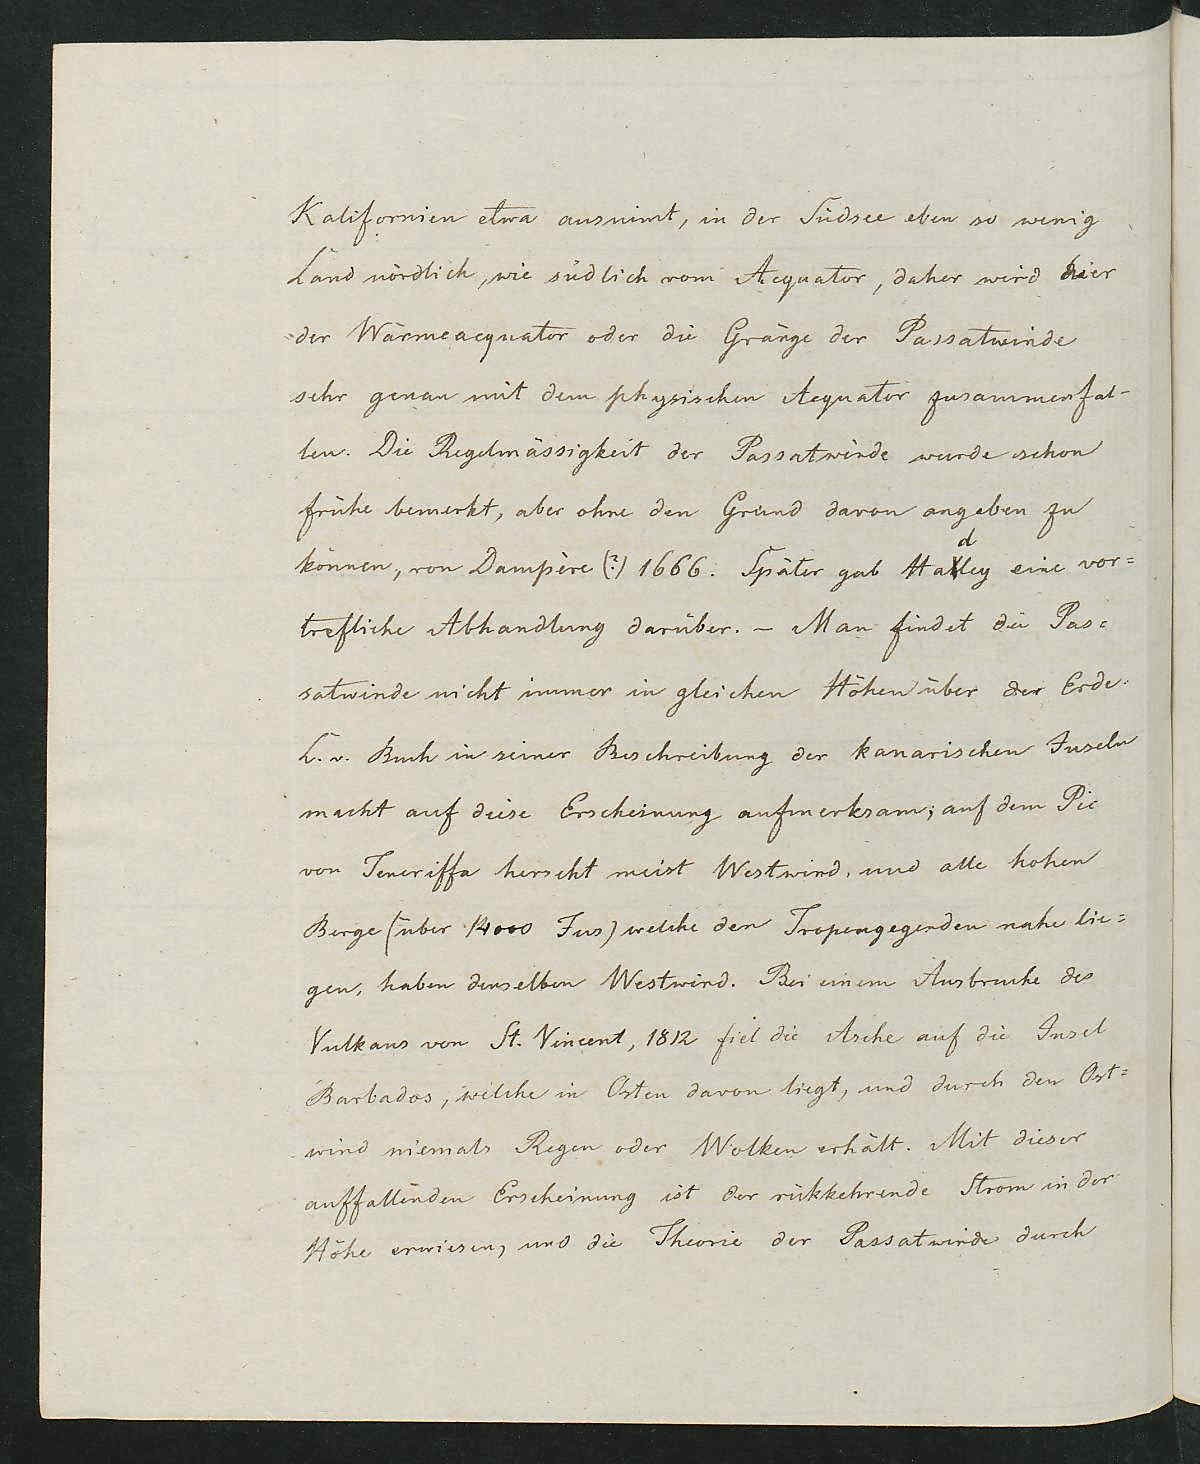Kalifornien etwa ausnimt, in der Südsee eben so wenig
Land nördlich, wie südlich vom Aequator, daher wird dehier
der Wärmeaequator oder die Gränze der Passatwinde
sehr genau mit dem physischen Aequator zusammenfal-
len. Die Regelmässigkeit der Passatwinde wurde schon
frühe bemerkt, aber ohne den Grund davon angeben zu
können, von Dampère 1666. Später gab Haldley eine vor-
trefliche Abhandlung darüber. – Man findet die Pas-
satwinde nicht immer in gleichen Höhen über der Erde:
L. v. Buch in seiner Beschreibung der kanarischen Inseln
macht auf diese Erscheinung aufmerksam; auf dem Pic
von Teneriffa herscht meist Westwind, und alle hohen
Berge welche den Tropengegenden nahe lie-
gen, haben denselben Westwind. Bei einem Ausbruche des
Vulkans von St. Vincent, 1812 fiel die Asche auf die Insel
Barbados, welche Osten davon liegt, und durch den Ost-
wind niemals Regen oder Wolken erhält. Mit dieser
auffallenden Erscheinung ist der rükkehrende Strom in der
Höhe erwiesen, und die Theorie der Passatwinde durch